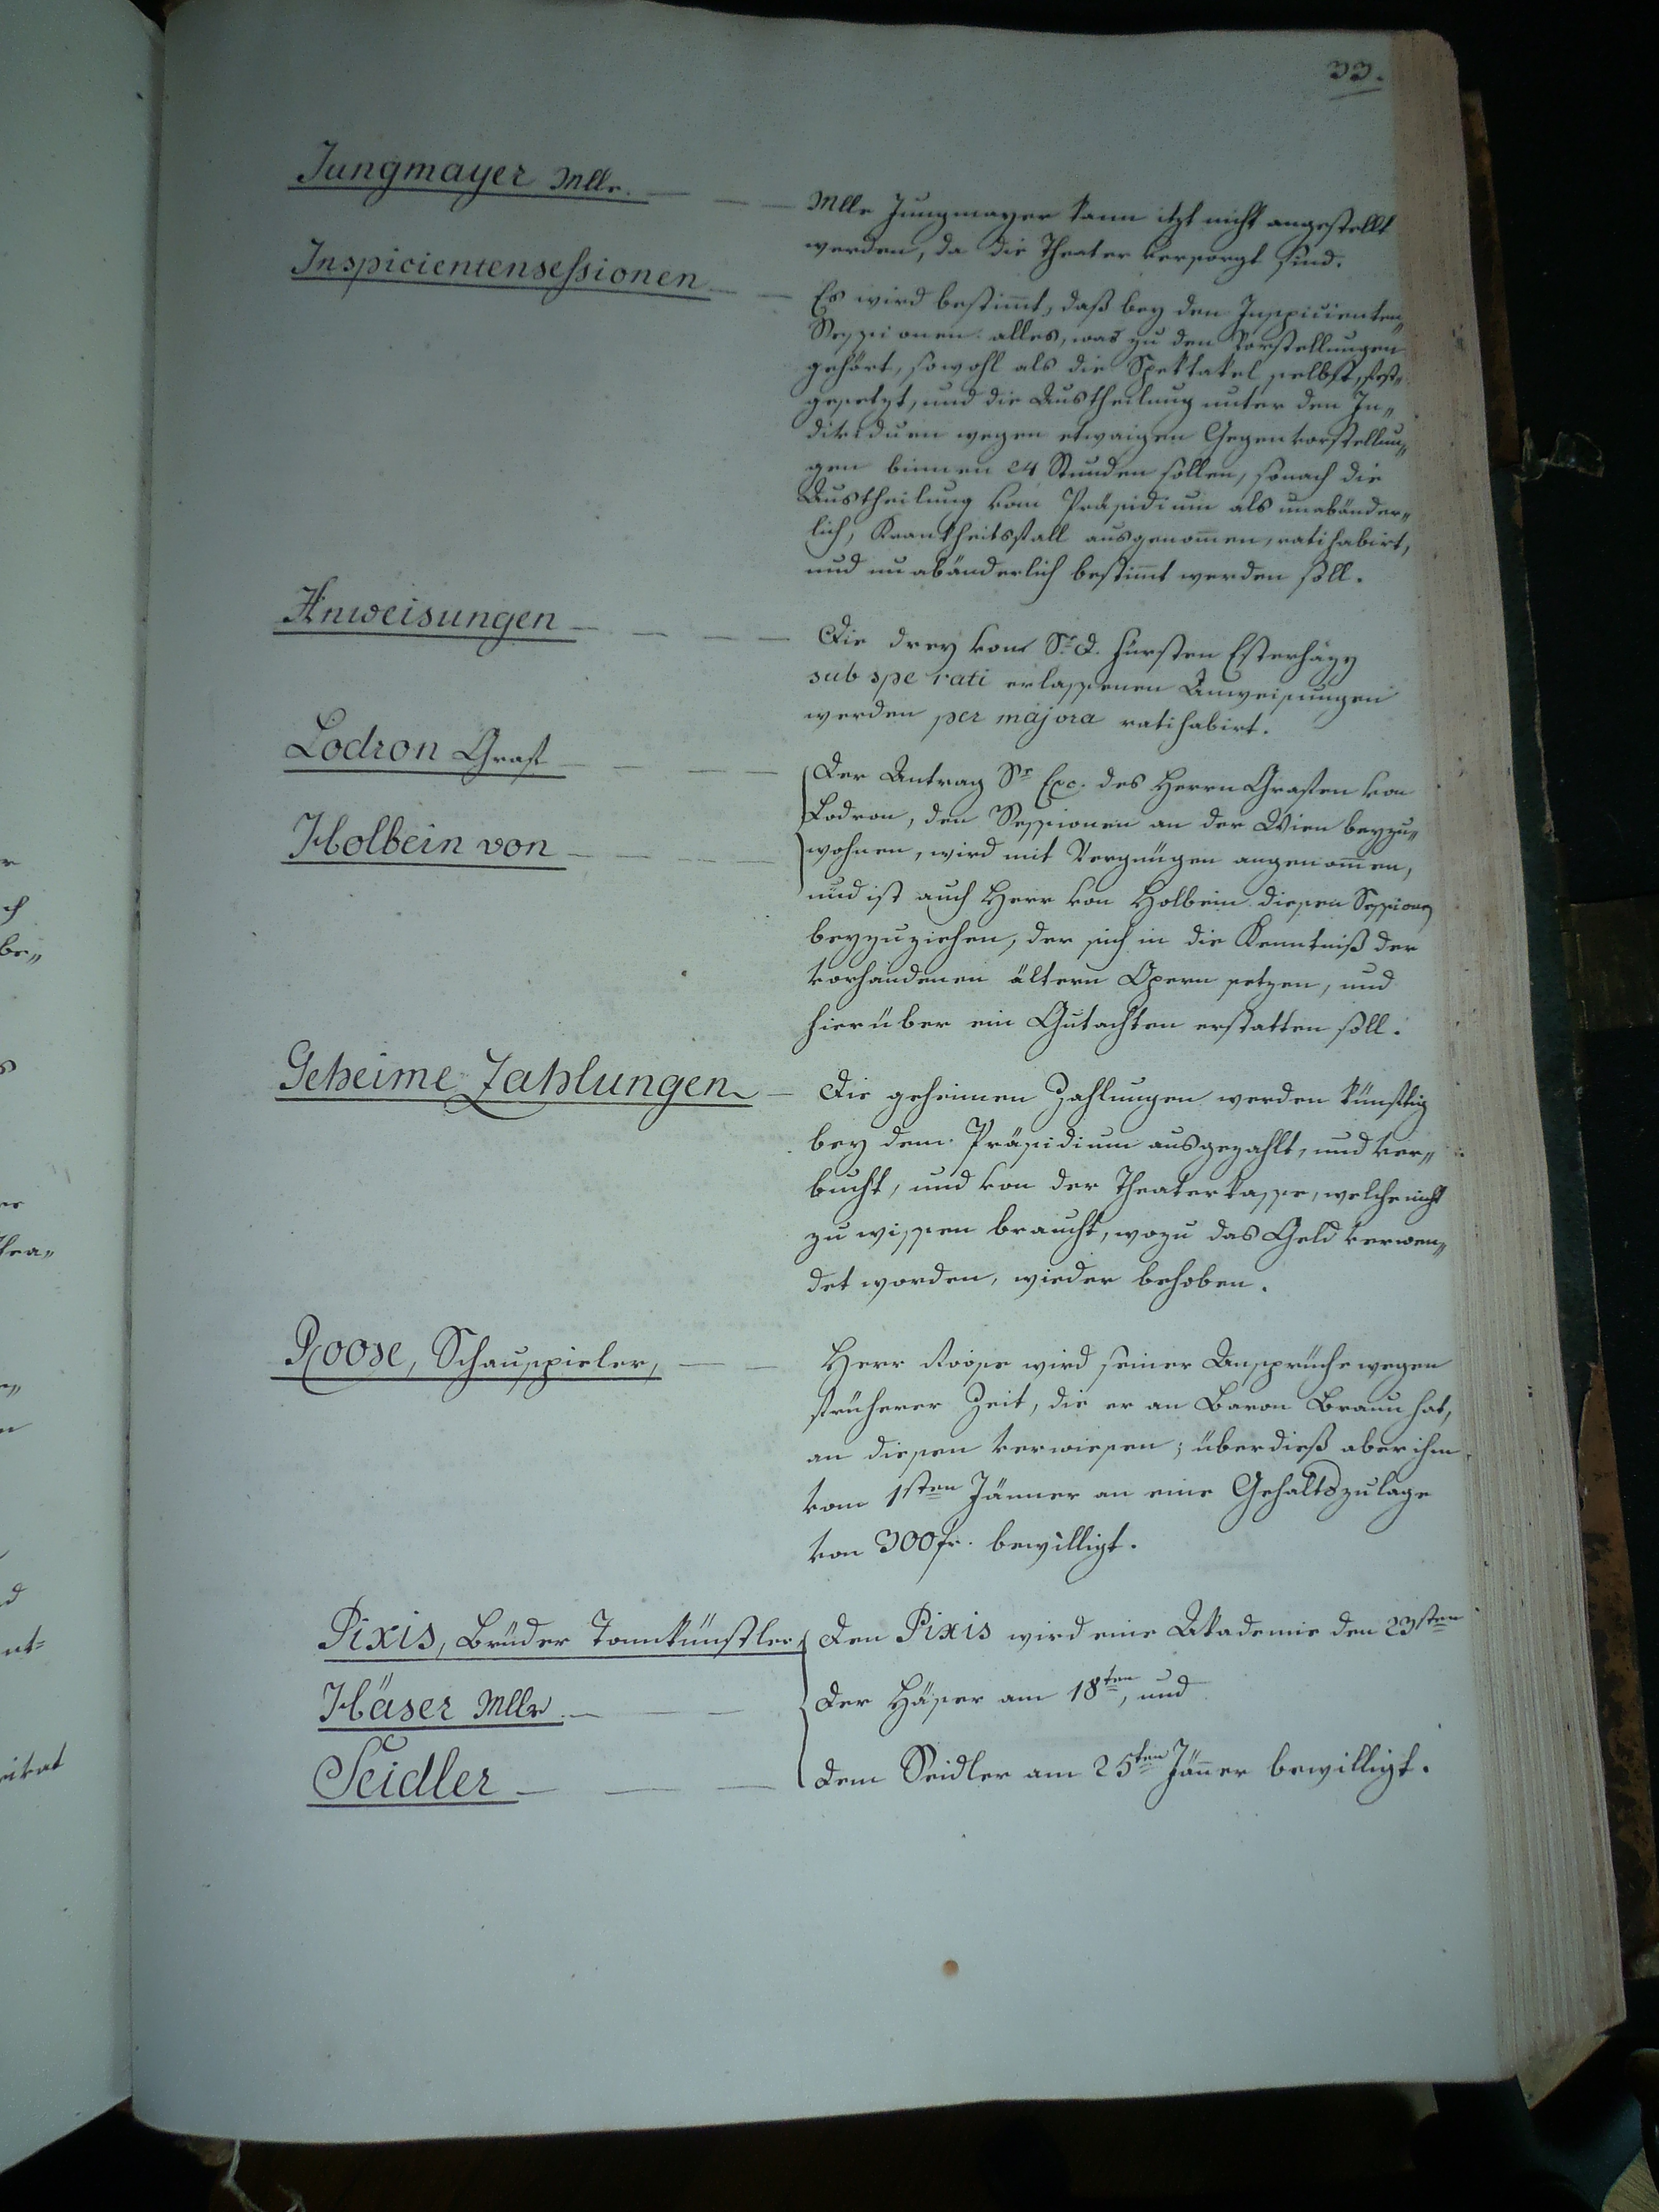33.
Jungmayer Mlle. _ _ _ Mlle Jungmayer kann itzt nicht angestellt
werden, da die Theater versorgt sind.
Inspicientensessionen _ _ Es wird bestim̅t, daß bey den Inspicienten¬
Sessionen alles, was zu den Vorstellungen
gehört, sowohl als die Spektakel selbst, fest¬
gesetzt, und die Austheilung unter den In¬
dividuen wegen etwaigen Gegenvorstellun¬
gen binnen 24 Stunden sollen, sonach die
Austheilung vom Präsidium als unabänder¬
lich, Krankheitsfall ausgenom̅en, ratihabirt,
und unabänderlich bestim̅t werden soll.
Anweisungen _ _ _ _ Die drey von Se͇ D. Fürsten Esterhàzy
sub spe rati erlassenen Anweisungen
werden per majora ratihabirt.
Lodron Graf _ _ _ _
Holbein von _ _ _ _
Der Antrag Se͇ Exc. des Herrn Grafen von
Lodron, den Sessionen an der Wien beyzu¬
wohnen, wird mit Vergnügen angenom̅en,
und ist auch Herr von Holbein diesen Sessionen
beyzuziehen, der sich in die Kenntniß der
vorhandenen ältern Opern setzen, und
hierüber ein Gutachten erstatten soll.
Geheime Zahlungen _ Die geheimen Zahlungen werden künftig
bey dem Präsidium ausgezahlt, und ver¬
bucht, und von der Theaterkasse, welche nicht
zu wissen braucht, wozu das Geld verwen¬
det worden, wieder behoben.
Roose, Schauspieler, _ _ Herr Roose wird seiner Ansprüche wegen
früherer Zeit, die er an Baron Braun hat,
an diesen verwiesen; überdieß aber ihn
vom 1ste͇n Jänner an eine Gehaltszulage
von 300 fr. bewilligt.
Pixis, Brüder Tonnkünstler,
Häser Mlle. _ _ _
Seidler _ _ _
Den Pixis wird eineAkademie den 23ste͇n
der Häser am 18te͇n, und
dem Seidler am 25te͇n Jän̅er bewilligt.